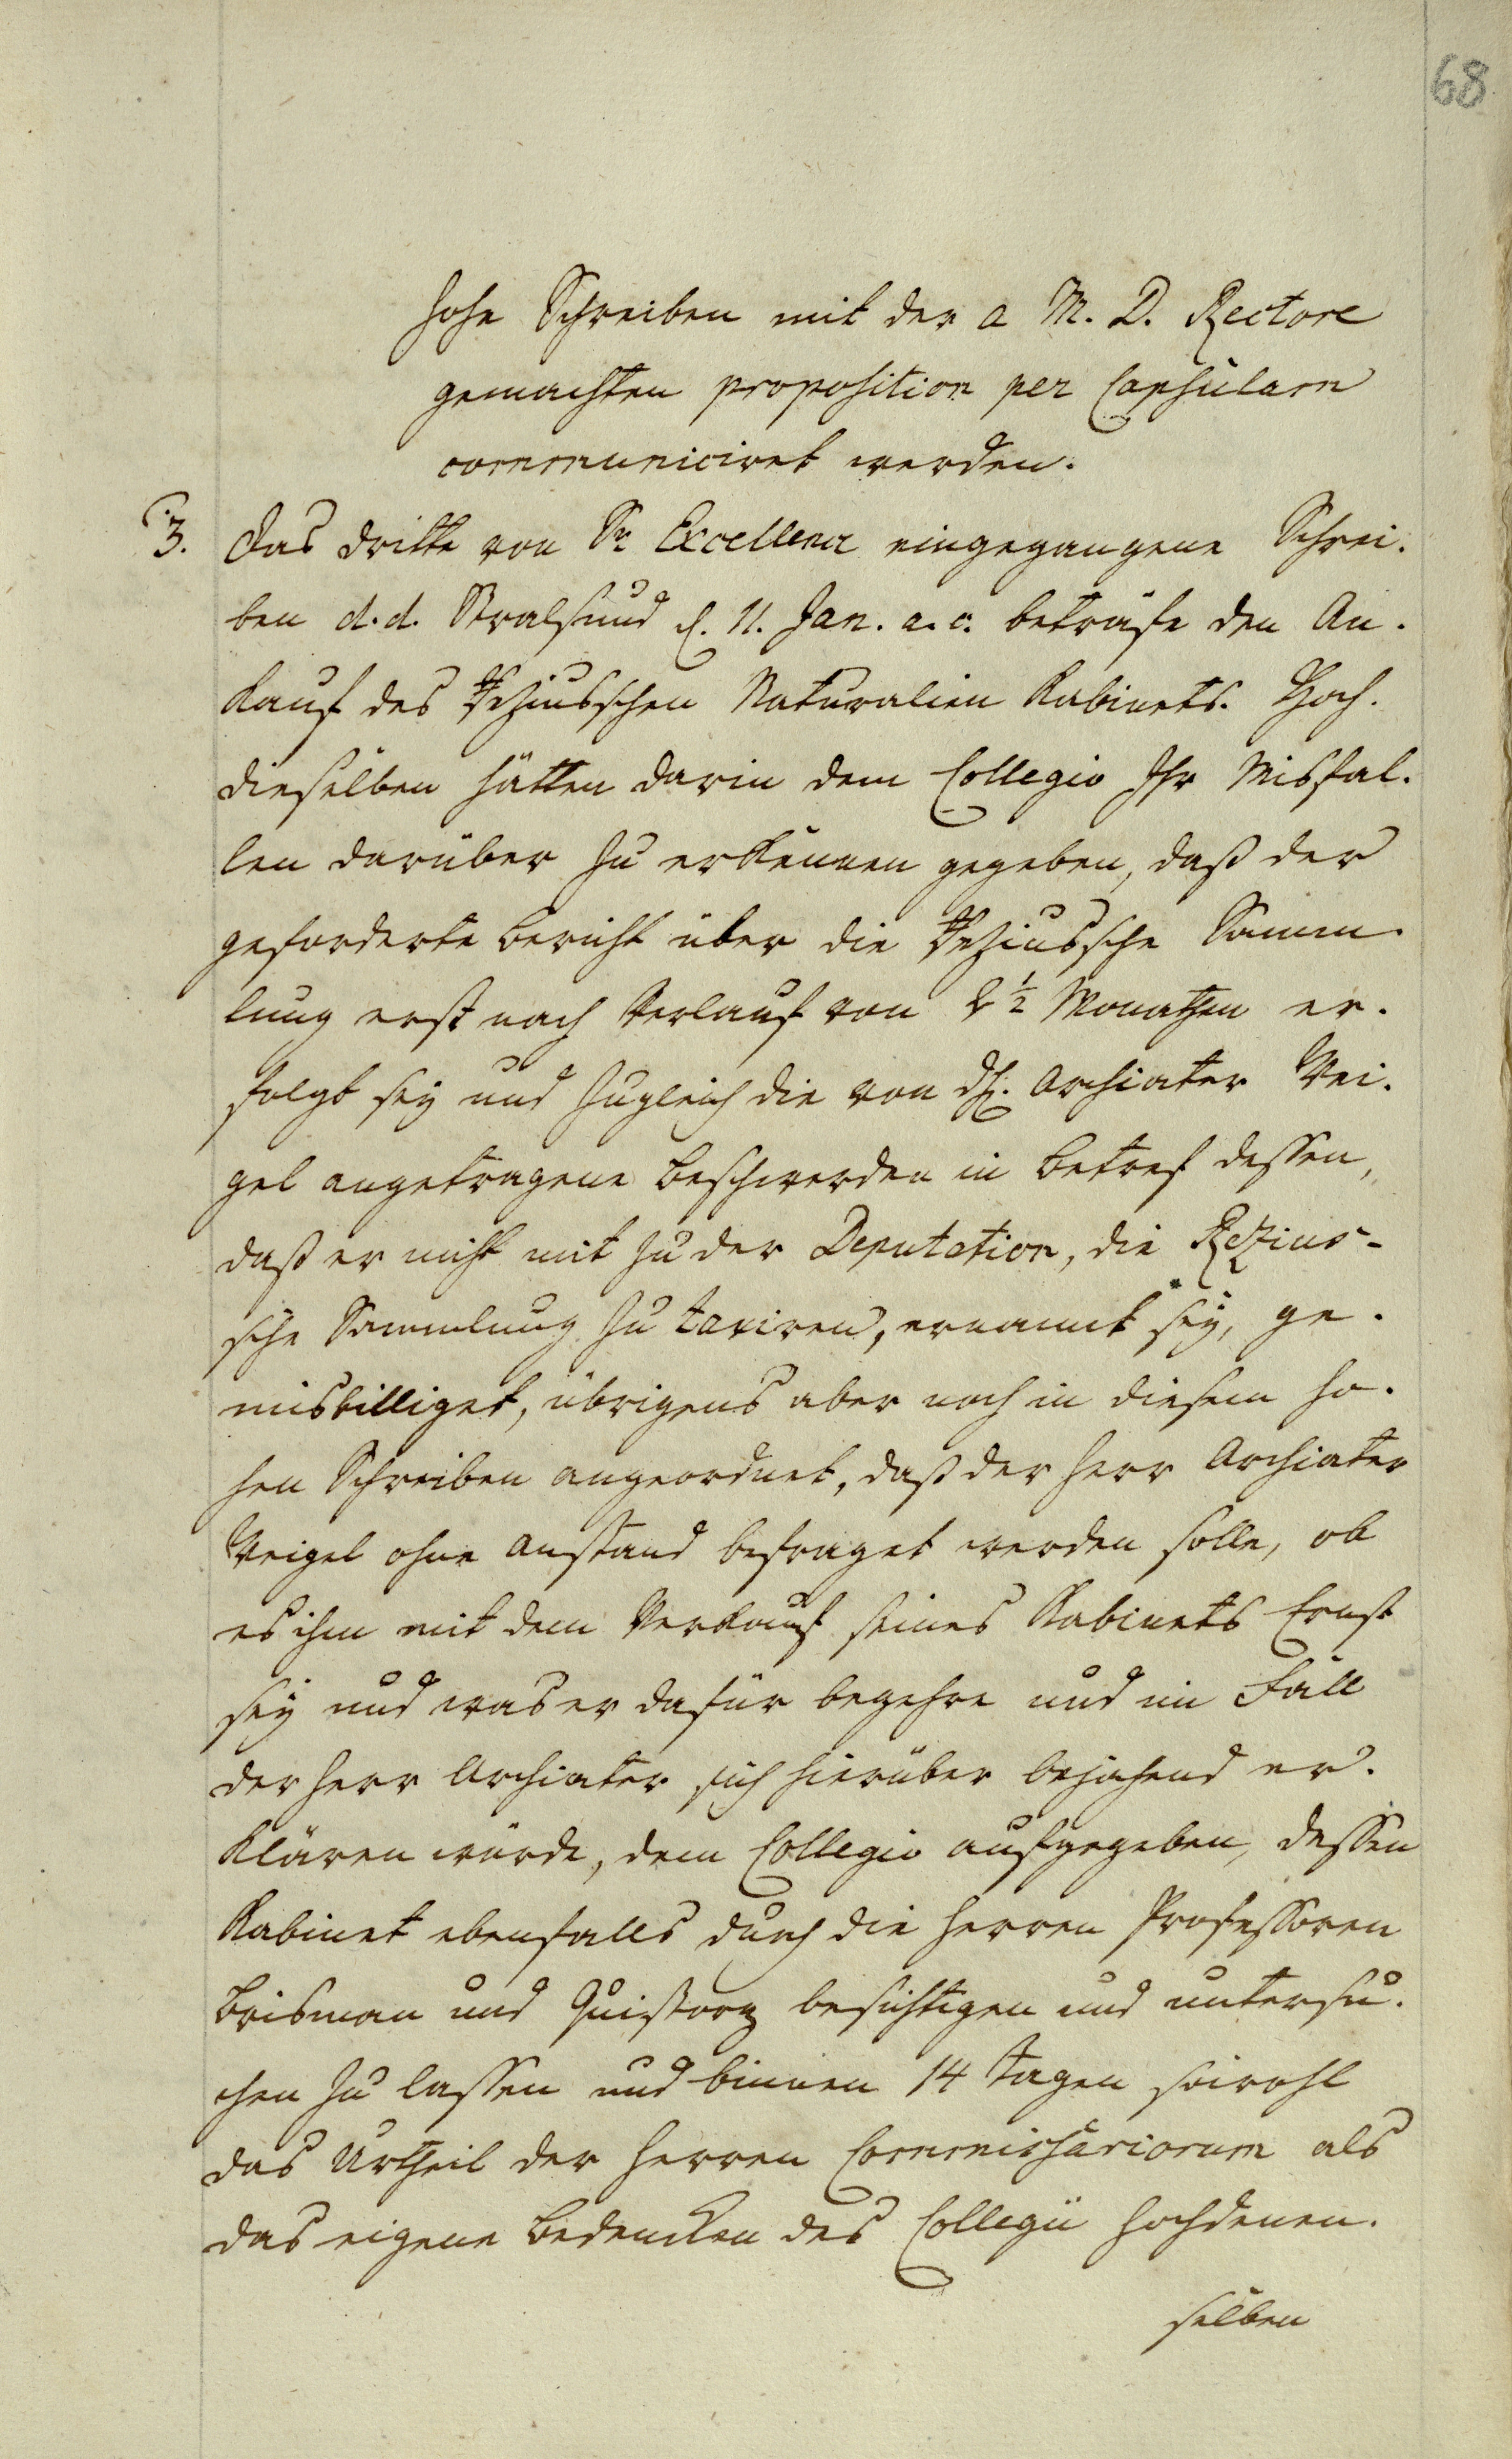hohe Schreiben mit der a M. D. Rectore
gemachten proposition per Capsulam
communiciret werden.
3. Das dritte von Sr Excellence eingegangene Schrei¬
ben d. d. Stralsund d. 11. Jan. a. c. beträfe den An¬
kauf des Reziusschen Naturalien Kabinets. Hoch¬
dieselben hätten darin dem Collegio ihr Misfal¬
len darüber zu erkennen gegeben, daß der
geforderte Bericht über die Reziussche Samm¬
lung erst nach Verlauf von 2½ Monathen er¬
folgt seÿ und zugleich die von dh. Archiater Wei¬
gel angetragene Beschwerden in Betref dessen,
daß er nicht mit zu der Deputation, die Rezius¬
sche Sammlung zu taxiren, ernannt seÿ, ge-
misbilliget, übrigens aber noch in diesem ho¬
hen Schreiben angeordnet, daß der Herr Archiater
Weigel ohne Anstand befraget werden solle, ob
es ihm mit dem Verkauf seines Kabinets Ernst
seÿ und was er dafür begehre und im Fall
der Herr Archiater sich hierüber bejahend er¬
klären würde, dem Collegio aufgegeben, dessen
Kabinet ebenfalls durch die Herren Professoren
Brisman und Quistorp besichtigen und untersu¬
chen zu lassen und binnen 14 Tagen sowohl
das Urtheil der Herren Commissariorum als
das eigene Bedencken des Collegii Hochdenen¬
selben